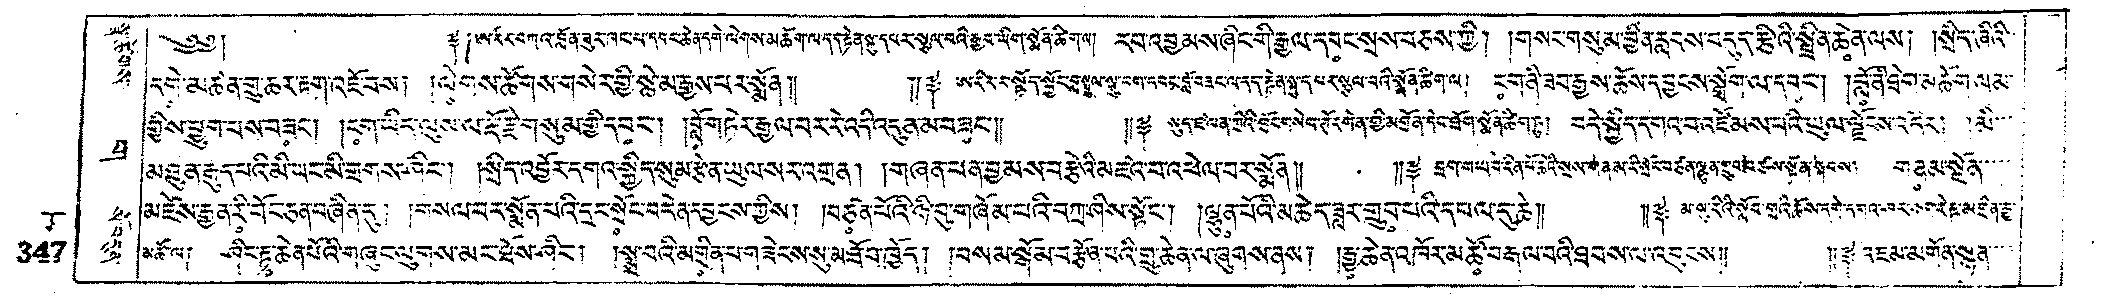༄༅། འ་།ཨ་རིར་བཀའ་བློན་ཟུར་ཁང་པ་དབང་ཆེན་དགེ་ལེགས་མཆོག་ལ་དད་རྟེན་སྐུ་དཔར་སྩལ་བའི་རྒྱབ་ཡིག་སྨོན་ཚིག་ལ།  རབ་འབྱམས་ཞིང་གི་རྒྱལ་དབང྾་སྲས་བཅས་ཀྱི། །གསང་གསུམ་བྱིན་རླབས་བདུད་རྩིའི་སྤྲིན་ཆེན྾་ལས། །སྲིད་ཞིའི་་་
དགེ྾་མཚན་གྲུ་ཆར་རྟག་འཇོ་བས། །ལེགས྾་ཚོགས་གསེར་གྱི་སྙེ་མ་རྒྱས་པར་སྨོན།། །། འ་ཨ་རིར་ར་སྟོད་སྐྱོང་བླ་སྤྲུལ་སྐུ་ངག་དབང་བློ་བཟང་ལ་དད་རྟེན་སྐུ་དཔར་སྩལ་བའི་སྨོན་ཚིག་ལ།  ངག྾་ནི་ཟབ་རྒྱས་ཆོས་དབྱངས་སྒྲོག་ལ་དབང྾། །བློ྾་ནི་ཐེག་མཆོག་ལམ་
གྱིས་ཕྱུག་པས་བཟང྾། །ངག྾་ཡིད་ལུས་ལ་རྡོ་རྗེ་གསུམ་གྱི་དབང྾། །བློ྾་གཏེར་རྒྱལ་བར་འདི་འདུན་བཟང྾།། །། འ་སུད་ཛ་ལན་ཀྲིའི་གྲོང་གསེབ་ཊོར་གེན་གྱི་མགྲོན་དེབ་ཐོག་སྨོན་ཚིག་ཏུ།  བདེ་སྐྱིད་དགའ་བ་འཛོམས་པའི་ཡུལ་ལྗོངས་འདིར། །མི་་་
མཐུན་རྒུད་པའི་མི་ཡང་མི་གྲགས་ཤིང་། །སྲིད་འབྱོར་དགའ་སྐྱིད་སུམ་རྩེན་ཡུལ་སར་འགྲན། །གཞན་ཕན་བྱམས་བརྩེའི་མཛའ་བ་འཕེལ་བར་སྨོན།། །། འ་བྲག་གཡབ་རིན་པོ་ཆེའི་སྲས་གནམ་རི་སྲོང་བཙན་ལྷུན་གྲུབ་བཙས་སྟོན་སྐབས།  གནམ྾་སྔོན་་་
མཛེས་རྒྱན་རི྾་བོང་ཅན་བཞིན་དུ། །གསལ་བར་སྨོན་པའི་དྲང་སྲོང྾་བདེན་དབྱངས་ཀྱིས། །བཙན྾་པོའི་ཉི་བུ་གཞོམ་པའི་བཀྲ་ཤིས་སྟོང་། །ལྷུན྾་པོའི་མཆེད་ཟླར་གྲུབ྾་པའི་དཔལ་དུ་ཆེ།། །། འ་མ་སུ་རིའི་སློབ་གྲའི་ཆོས་དགེ་དགའ་ཤར་ཉག་རེ་རྟ་མགྲིན་རྒྱ་
མཚོ་ལ། ཤིང་རྟ྾་ཆེན་པོའི་གཞུང་ལུགས་མང་ཐོས་ཤིང་། །སྨྲ་བའི་མགྲིན྾་པ་གཟེངས་སུ་མཐོ་བ་ཁྱོད། །བསམ་སྒོམ་བརྩོན་པའི་གྲུ་ཆེན་ལ་ཞུགས་ནས། །རྒྱ྾་ཆེན་འཁོར་མཚོ྾་བརྒལ་བའི་ཐབས་ལ་འབུངས།། །། ༈ འཇམ་མགོན་སྙན་་་